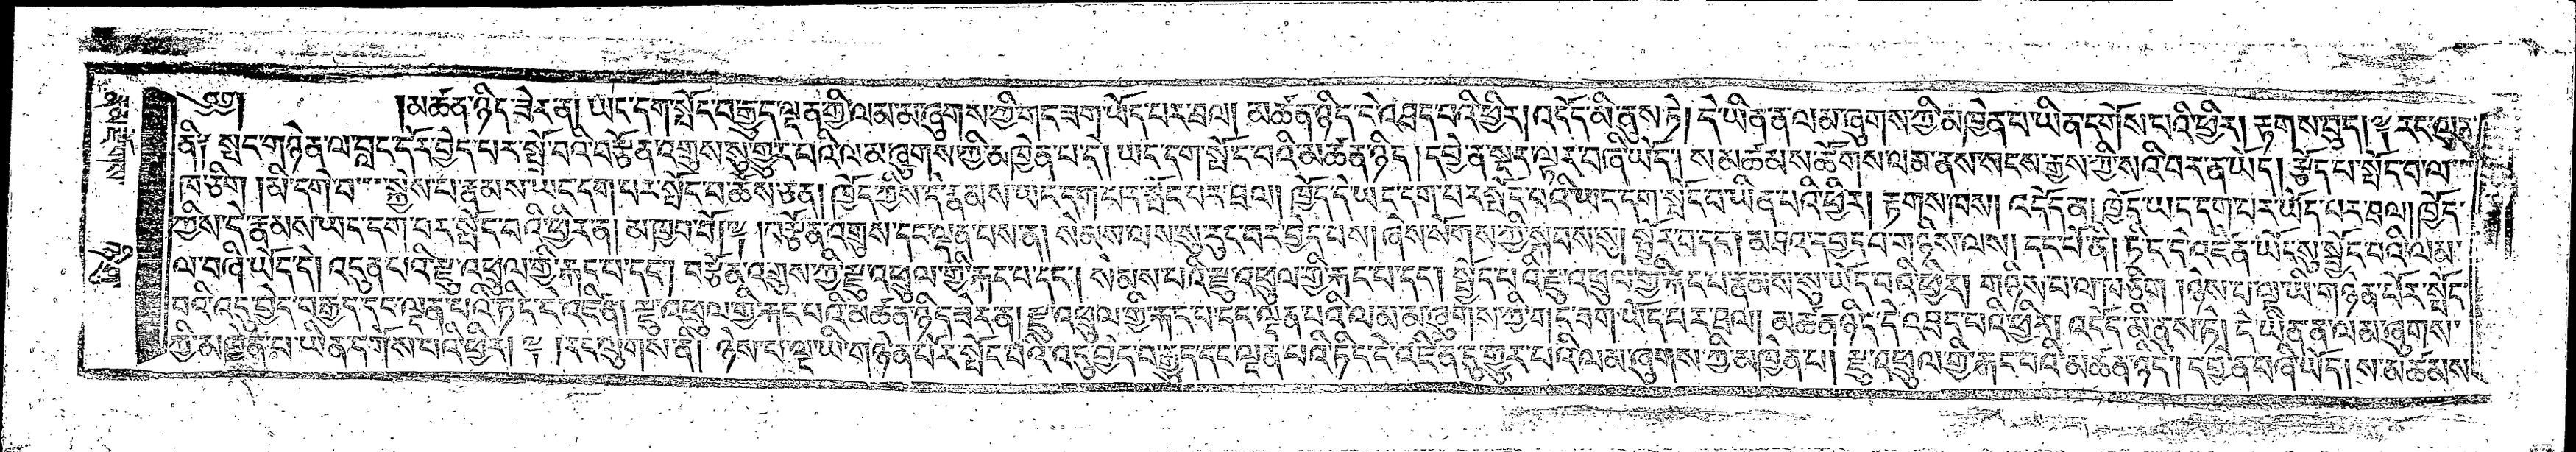༄༅། །མཚན་ཉིད་ཟེར་ན། ཡང་དག་སྤོང་བ་རྒྱུད་ལྡན་གྱི་ལམ་མ་ཞུགས་ཀྱི་གང་ཟག་ཡོད་པར་ཐལ། མཚན་ཉིད་དེ་འཐད་པའི་ཕྱིར། འདོད་མི་ནུས་ཏེ། དེ་ཡིན་ན་ལམ་ཞུགས་ཀྱི་མཁྱེན་པ་ཡིན་དགོས་པའི་ཕྱིར། རྟགས་བུད། ༈ རང་ལུགས་
ནི༑ སྤང་གཉེན་ལ་བླང་དོར་བྱེད་པར་སྤྲོ་བའི་བརྩོན་འགྲུས་སུ་གྱུར་བའི་ལམ་ཞུགས་ཀྱི་མཁྱེན་པ་དེ། ཡང་དག་སྤོང་བའི་མཚན་ཉིད། དབྱེ་ན་སྔར་ལྟར་བཞི་ཡོད། ས་མཚམས་ཚོགས་ལམ་ནས་སངས་རྒྱས་ཀྱི་སའི་བར་ན་ཡོད། རྩོད་པ་སྤོང་བ་ལ་
ཁ་ཅིག །མི་དགེ་བ་སྐྱེས་པ་རྣམས་ཡང་དག་པར་སྤོང་བ་ཆོས་ཅན། ཁྱོད་ཀྱིས་དེ་རྣམས་ཡང་དག་པར་སྤོང་བར་ཐལ། ཁྱོད་དེ་ཡང་དག་པར་སྤོང་བའི་ཡང་དག་སྤོང་བ་ཡིན་པའི་ཕྱིར། རྟགས་ཁས། འདོད་ན། ཁྱོད་ཡང་དག་པར་ཡོད་པར་ཐལ། ཁྱོད་
ཀྱིས་དེ་རྣམས་ཡང་དག་པར་སྤོང་བའི་ཕྱིར་ན། མ་ཁྱབ་བོ། ༈ །བརྩོན་འགྲུས་དང་ལྡན་པས་ན། སེམས་ལས་སུ་རུང་བར་བྱེད་པས། ཞེས་སོགས་ཀྱི་སྐབས་སུ། སྦྱོར་བ་དང་། མཐའ་དཔྱད་པ་གཉིས་ལས། དང་པོ་ནི། ཏིང་ངེ་འཛིན་ཡོངས་སུ་སྦྱོང་བའི་ལམ་
ལ་བཞི་ཡོད་དེ། འདུན་པའི་རྫུ་འཕྲུལ་གྱི་རྐང་པ་དང་། བརྩོན་འགྲུས་ཀྱི་རྫུ་འཕྲུལ་གྱི་རྐང་པ་དང་། སེམས་པའི་རྫུ་འཕྲུལ་གྱི་རྐང་པ་དང་། སྤྱོད་པའི་རྫུ་འཕྲུལ་གྱི་རྐང་པ་རྣམས་སུ་ཡོད་པའི་ཕྱིར། གཉིས་པ་ལ་ཁ་ཅིག །ཉེས་པ་ལྔ་ཡི་གཉེན་པོར་སྤོང་
བའི་འདུ་བྱེད་བརྒྱད་དང་ལྡན་པའི་ཏིང་ངེ་འཛིན། རྫུ་འཕྲུལ་གྱི་རྐང་པའི་མཚན་ཉིད་ཟེར་ན། རྫུ་འཕྲུལ་གྱི་རྐང་པ་དང་ལྡན་པའི་ལམ་མ་ཞུགས་ཀྱི་གང་ཟག་ཡོད་པར་ཐལ། མཚན་ཉིད་དེ་འཐད་པའི་ཕྱིར། འདོད་མི་ནུས་ཏེ། དེ་ཡིན་ན་ལམ་ཞུགས་
ཀྱི་མཁྱེན་པ་ཡིན་དགོས་པའི་ཕྱིར། ༈ །རང་ལུགས་ནི། ཉེས་པ་ལྔ་ཡི་གཉེན་པོར་སྤོང་བའི་འདུ་བྱེད་བརྒྱུད་དང་ལྡན་པའི་ཏིང་ངེ་འཛིན་དུ་གྱུར་པའི་ལམ་ཞུགས་ཀྱི་མཁྱེན་པ། རྫུ་འཕྲུལ་གྱི་རྐང་པའི་མཚན་ཉིད། དབྱེ་ན་བཞི་ཡོད། ས་མཚམས་